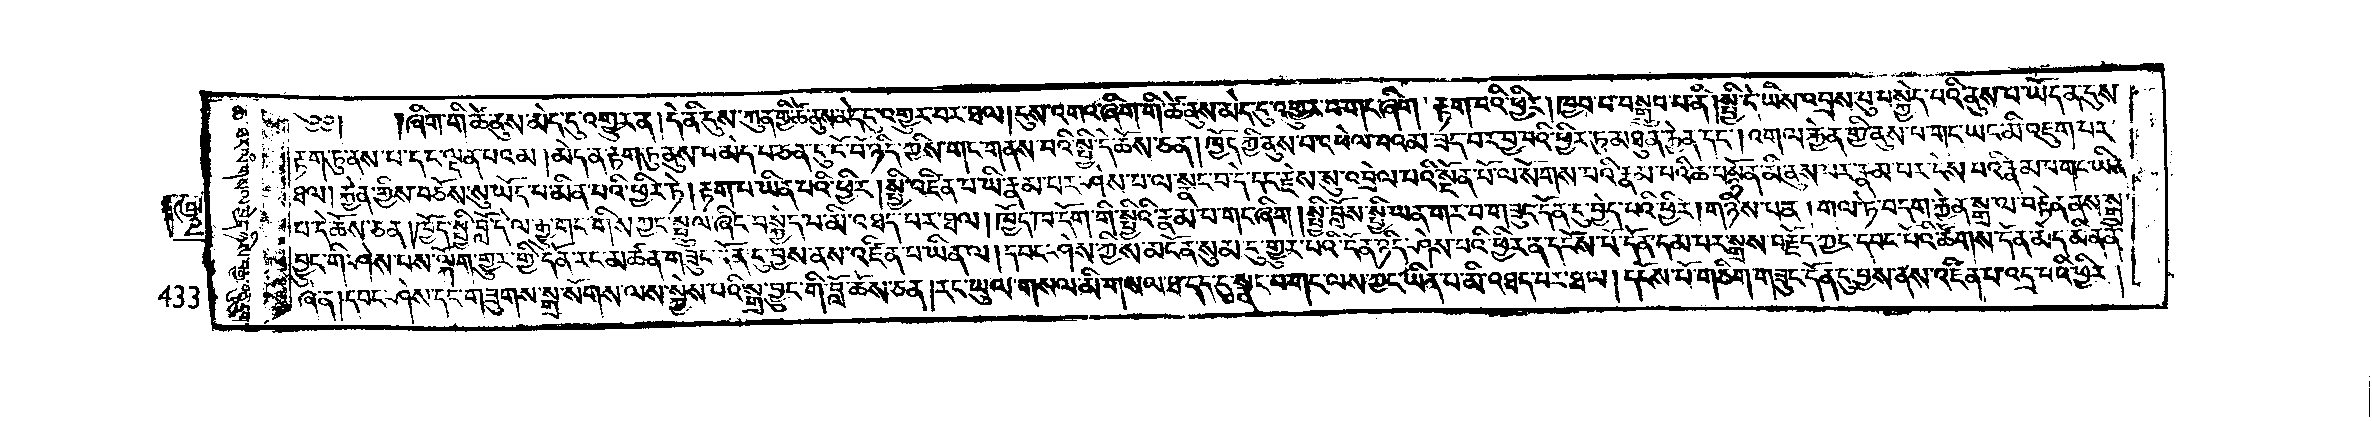༄༅། །ཞིག་གི་ཚེ་ནུས་མེད་དུ་འགྱུར་ན། དེ་ནི་དུས་ཀུན་གྱི་ཚེ་ནུས་མེད་དུ་འགྱུར་བར་ཐལ། དུས་འགའ་ཞིག་གི་ཚེ་ནུས་མེད་དུ་འགྱུར་བ་གང་ཞིག་རྟག་པའི་ཕྱིར། ཁྱབ་པ་བསྒྲུབ་པ་ནི། སྤྱི་དེ་ཡིས་འབྲས་བུ་བསྐྱེད་པའི་ནུས་པ་ཡོད་ན་དུས་
རྟག་ཏུ་ནུས་པ་དང་ལྡན་པའམ། མེད་ན་རྟག་ཏུ་ནུས་པ་མེད་པ་ཅན་དུ་ངོ་བོ་ཉིད་ཀྱིས་གང་གནས་པའི་སྤྱི་དེ་ཆོས་ཅན། ཁྱོད་ཀྱི་ནུས་པ་འཕེལ་བའམ་ཟད་པར་བྱ་བའི་ཕྱིར་ཏུ་མཐུན་རྐྱེན་དང་། འགལ་རྐྱེན་གྱི་ནུས་པ་གང་ཡང་མི་འཇུག་པར་
ཐལ། རྐྱེན་གྱིས་བཅོས་སུ་ཡོད་པ་མིན་པའི་ཕྱིར་ཏེ། རྟག་པ་ཡིན་པའི་ཕྱིར། སྤྱི་འཛིན་པ་ཡི་རྣམ་པར་ཤེས་པ་ལ་སྣང་བ་དེ་དང་རྗེས་སུ་འབྲེལ་པའི་སྔོན་པོ་ལ་སོགས་པའི་རྣམ་པའི་ཆ་བསྙོན་མི་ནུས་པར་རྣམ་པར་ངེས་པའི་རྣམ་པ་གང་ཡིན་
པ་དེ་ཆོས་ཅན། ཁྱོད་སྤྱི་བློ་དེ་ལ་རྒྱུ་གང་གིས་ཀྱང་སྤྲུལ་ཞིང་བསྐྱེད་པ་མི་འཐད་པར་ཐལ། ཁྱོད་ཁ་དོག་གི་སྤྱིའི་རྣམ་པ་གང་ཞིག །སྤྱི་བློས་སྤྱི་ཡན་གར་བ་གཟུང་དོན་དུ་བྱེད་པའི་ཕྱིར། གཉིས་པ་ན། གལ་ཏེ་བདག་རྐྱེན་སྒྲ་ལ་བརྟེན་ནས་སྒྲ་
བྱུང་གི་ཤེས་པས་ལྐོག་གྱུར་གྱི་དོན་རང་མཚན་གཟུང་དོན་དུ་བྱས་ནས་འཛིན་པ་ཡིན་ལ། དབང་ཤེས་ཀྱིས་མངོན་སུམ་དུ་གྱུར་པའི་དོན་ཉིད་ཤེས་པའི་ཕྱིར་ན་དངོས་པོ་དོན་དམ་པར་སྒྲས་བརྗོད་ཀྱང་དབང་པོའི་ཚོགས་དོན་མེད་མིན་ནོ་
ཞེ་ན། དབང་ཤེས་དང་གཟུགས་སྒྲ་སོགས་ལས་སྐྱེས་པའི་སྒྲ་བྱུང་གི་བློ་ཆོས་ཅན། རང་ཡུལ་གསལ་མི་གསལ་ཐ་དད་དུ་སྣང་བ་གང་ལས་ཀྱང་ཡིན་པ་མི་འཐད་པར་ཐལ། དངོས་པོ་གཅིག་གཟུང་དོན་དུ་བྱས་ནས་འཛིན་པ་འདྲ་བའི་ཕྱིར།